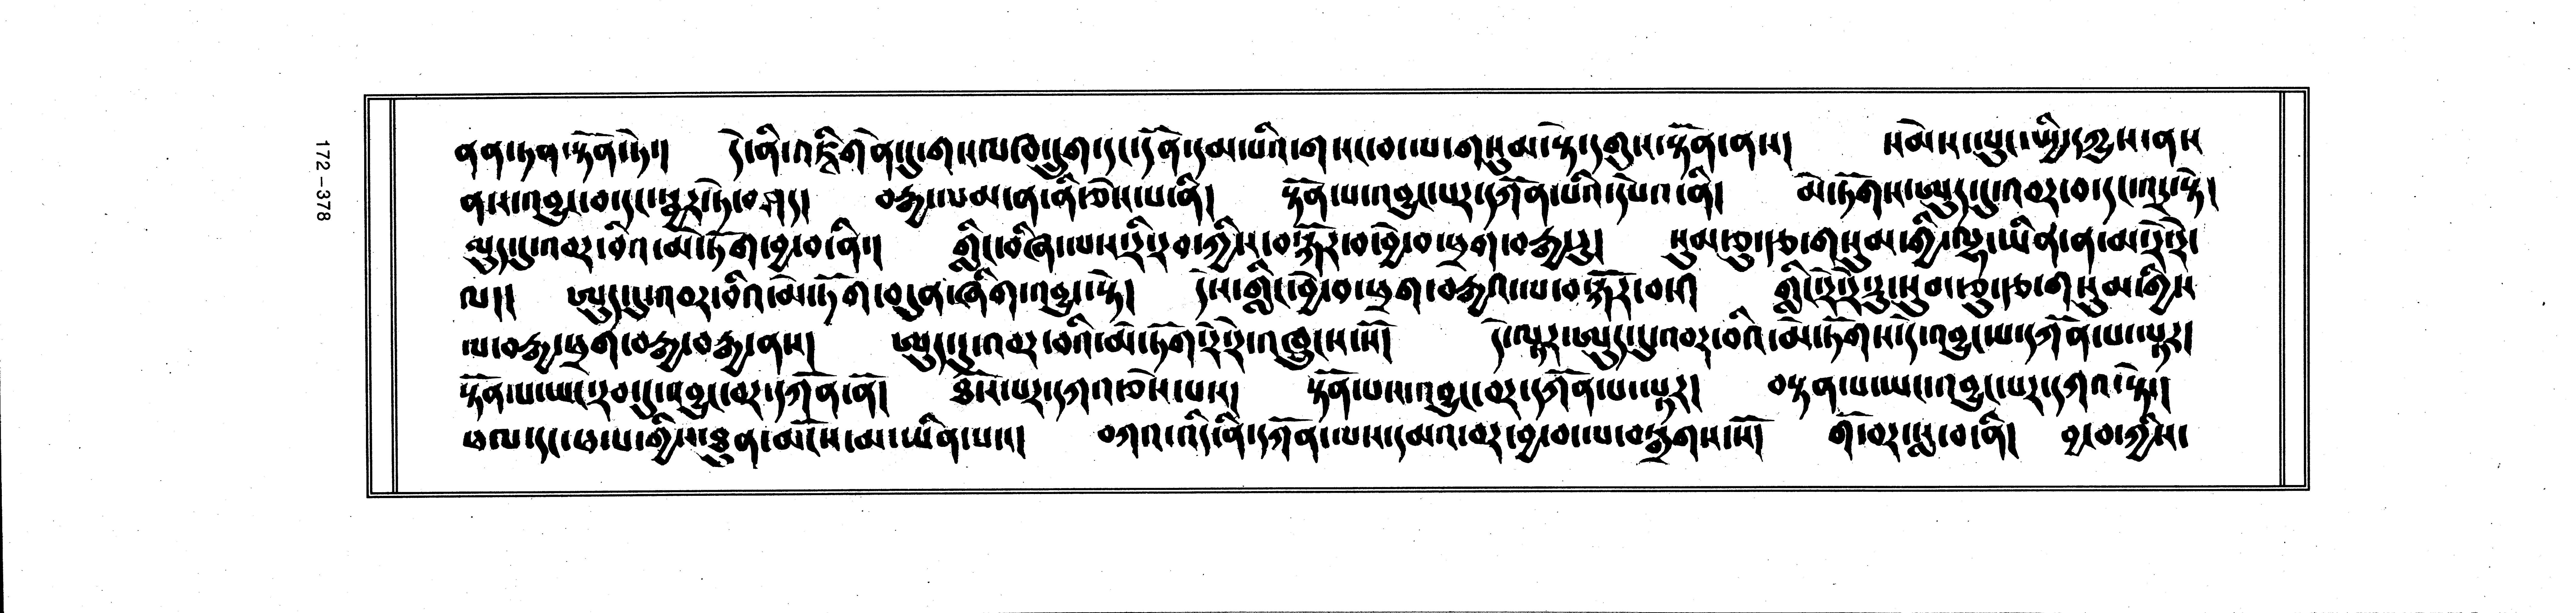ནན་ཏན་སྟོན་ཏེ། དེ་ནི་འཇིག་རྟེན་དུ་གསལ་བ་དྲུག་དང་དོན་དམ་པའི་གསང་བ་ལ་གསུམ་སྟེ་དགུས་སྟོན་ནས། སེམས་ལུང་སྤྱི་དཀྱུས་
ནས་འབྱུང་བ་དང་སྦྱར་ཏེ་བཤད། བརྒྱ་ལམ་ནི་ཅེས་པ་ནི། སྟོན་པ་འབྱུང་པར་དཀོན་པའི་དཔེའ་ནི། མེ་ཏོག་ཨུད་དུ་འབར་བ་དང་འདྲ་སྟེ། 
ཨུད་དུ་འབར་བའི་མེ་ཏོག་བྱ་བ་ནི། གླིང་བཞི་ལས་རི་རབ་ཀྱིས་བསྐོར་བ་བྱེ་བ་ཕྲག་བརྒྱ་རུ། སུམ་ཅུ་རྩ་གསུམ་གྱི་ལྷ་ཡིན་འདབ་མ་རེ་རེ་
ལ། ཨུད་དུ་འབར་བའི་མེ་ཏོག་བདུན་ཞིག་འབྱུང་སྟེ། དེས་གླིང་བྱེ་བ་ཕྲག་བརྒྱའ་ལ་བསྐོར་བས། གླིང་རེ་རེ་རུ་སུམ་ཅུ་རྩ་གསུམ་གྱིས་
ལ་བརྒྱ་ཕྲག་བརྒྱ་བརྒྱ་ནས། ཨུད་དུ་འབར་བའི་མེ་ཏོག་རེ་རེ་འཁྱུངས་སོ། དེ་ལྟར་ཨུ་དུ་དུ་འབར་བའི་མེ་ཏོག་དེ་འབྱུང་པ་དཀོན་པ་ལྟར། 
སྟོན་པ་ཡང་རབ་དུ་འབྱུང་བར་དཀོན་ནོ། ཐོས་པར་དཀའ་ཅེས་པས། སྟོན་པས་འབྱུང་བར་དཀོན་པ་ལྟར། བསྟན་པ་ཡང་འབྱུང་པར་དཀའ་སྟེ། 
ཕལ་དང་ཕལ་གྱིས་ཐུན་མོངས་མ་ཡིན་པས། བཀའ་འདི་ནི་དཀོན་ལས་དམའ་བར་བྱ་བ་ལ་བསྒྲགས་སོ། གོ་བར་སླ་བ་ནི། བྱང་ཆུབ་ཀྱིས་